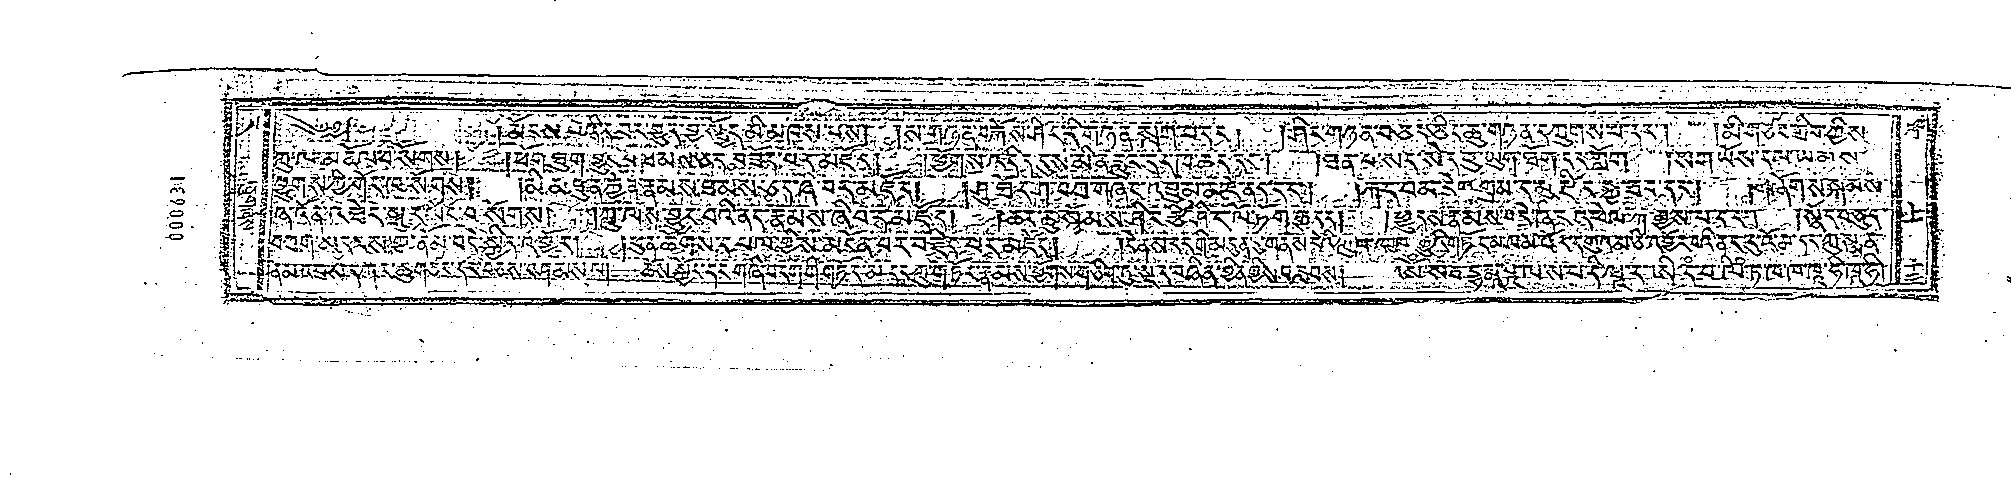༄༅། །མོངས་པའི་དབང་གྱུར་བྱ་སྤྱོད་མི་མཁས་པས། །ས་གཉན་བརྐོས་ཤིང་རི་གཉན་སླག་པ་དང་། །ཤིང་གཉན་བཅང་ཅིང་ཆུ་གཉན་དཀྲུགས་པ་དང་། །མི་གཙང་གྲིབ་ཀྱིས་
ཀླུ་ལ་མནོལ་བ་སོགས། །ཕོག་ཐུག་བྱུང་བ་ཐམས་ཅད་བཟོད་པར་མཛོད། །ཕྱོགས་འདིར་དུས་མིན་རླུང་དང་ཁ་ཆར་དང་། །ཐན་པ་སད་སེར་བུ་ཡུག་ཐོག་དང་གློག །ས་གཡོས་དལ་ཡམས་
ཕྱུགས་ཀྱི་གོང་ཁ་སོགས། །མི་མཐུན་རྐྱེན་རྣམས་ཐམས་ཅད་ཞི་བར་མཛོད། །ཤུ་ཐོག་ཤ་བཀྲ་གཞང་འབྲུམ་མཛེ་ནད་དང་། །རྐང་བམ་དྲེག་གྲུམ་དམུ་རྫིང་སྐྱ་རྦབ་དང་། །གཞོགས་སྐམས་
ཞ་འོན་འཐེང་སྒུང་ལོང་བ་སོགས། །ཀླུ་ལས་བྱུང་བའི་ནད་རྣམས་ཞི་བར་མཛོད། །ཆར་ཆུ་སྙོམས་ཤིང་རྩི་ཤིང་ལོ་ཏོག་རྒྱ་དང་། །ཕྱུངས་རྣམས་བདེ་ཞིང་འཕེལ་ཀ་རྒྱས་པ་དང་། །སྣོད་བཅུད་
བཀྲག་མདངས་གྱ་ནོམ་བདེ་སྐྱིད་འབྱོར། །ཕུན་ཚོགས་དཔལ་གྱིས་མངོན་པར་བརྗོད་པར་མཛོད། །དེ་ནས་རང་གི་མདུན་དུ་གནས་དེའི་ཀླུ་ལ་འབུལ་རྒྱུའི་གཏོར་མ་ཁམ་བོར་དགུའམ་ཅི་འབྱོར་བའི་ནང་དུ་འོ་མ་དང་ཀླུ་སྨན་
ནམ་འབྲས་དཀར་ཆུ་གཙང་དང་བཅས་བཤམས་ལ། ཆོས་སྐྱོང་དང་གཞི་བདག་གི་གཏོར་མ་དང་ཀླུ་གཏོར་རྣམས་ཕྱོགས་གཅིག་ཏུ་སྔར་བཞིན་བྱིན་གྱིས་བརླབས། ཨོཾ་སརྦ་དྷརྨཱ་པཱ་ལ་ས་པ་རི་ཝཱ་ར་ཨི་དཾ་བ་ལིཾ་ཏ་ཁ་ཁ་ཁཱ་ཧི་ཁཱ་ཧི།